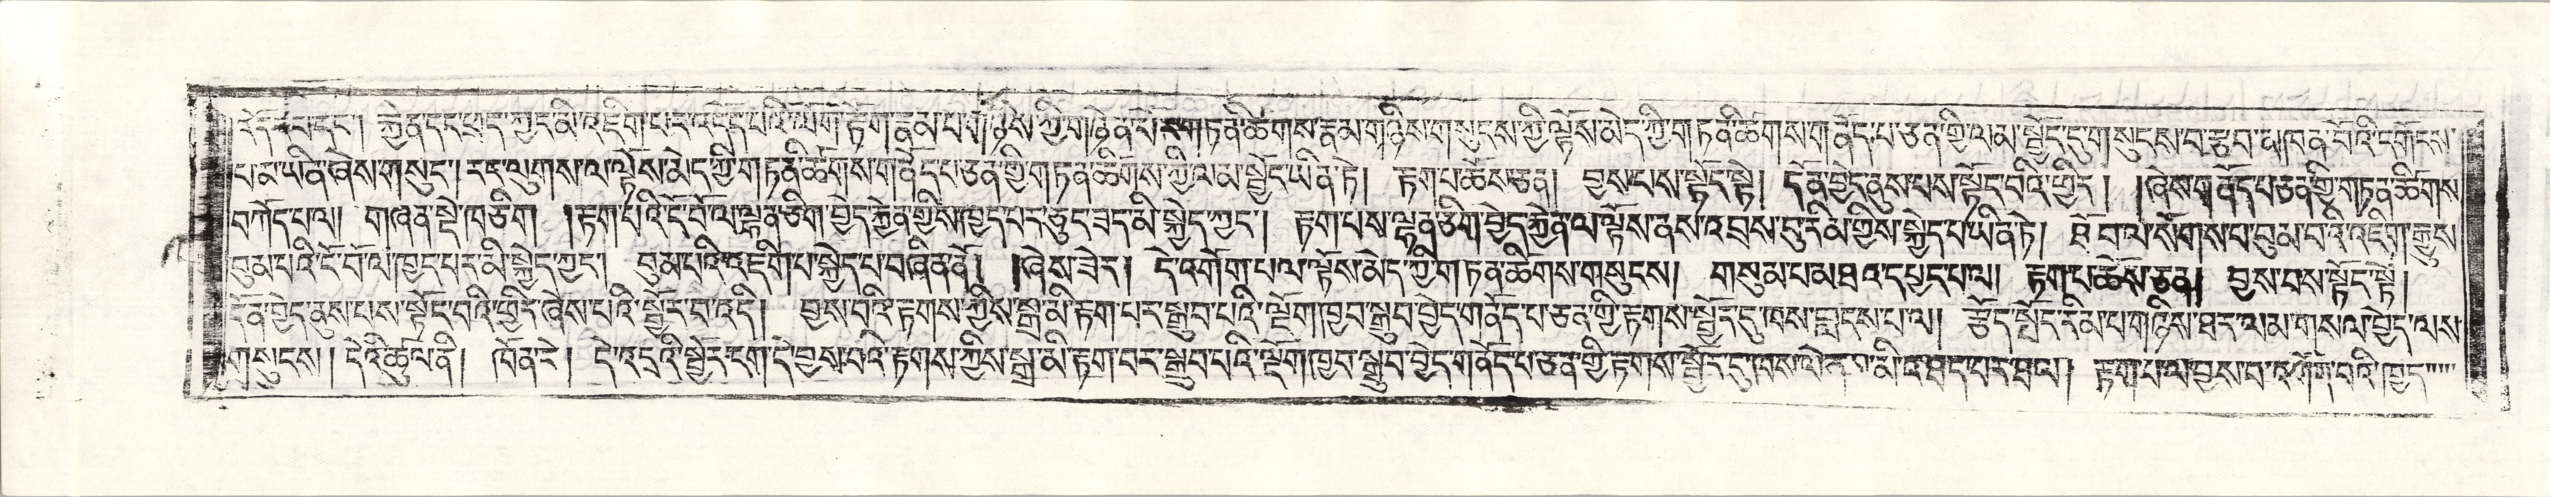འདོད་པ་དང་། རྐྱེན་དང་ཕྲད་ཀྱང་མི་འཇིག་པར་འདོད་པའི་ལོག་རྟོག་རྣམ་པ་གཉིས་ཀྱི་གཉེན་པོར་གཏན་ཚིགས་རྣམ་གཉིས་གསུངས་ཀྱི་ལྟོས་མེད་ཀྱི་གཏན་ཚིགས་གནོད་པ་ཅན་གྱི་ལམ་སྦྱོང་དུ་གསུངས་པ་རྩ་བ་མཁན་པོའི་དགོངས་
པ་མ་ཡིན་ཞེས་གསུངས། རང་ལུགས་ལ་ལྟོས་མེད་ཀྱི་གཏན་ཚིགས་གནོད་པ་ཅན་གྱི་གཏན་ཚིགས་ཀྱི་ལམ་སྦྱོང་ཡིན་ཏེ། རྟག་པ་ཆོས་ཅན། བྱས་པས་སྟོང་སྟེ། དོན་བྱེད་ནུས་པས་སྟོང་བའི་ཕྱིར། །ཞེས་གནོད་པ་ཅན་གྱི་གཏན་ཚིགས་
བཀོད་པ་ལ། གཞན་སྡེ་ཁ་ཅིག །རྟག་པའི་ངོ་བོ་ལ་ལྷན་ཅིག་བྱེད་རྐྱེན་གྱིས་ཁྱད་པར་ཅུང་ཟད་མི་སྐྱེད་ཀྱང་། རྟག་པས་ལྷན་ཅིག་བྱེད་རྐྱེན་ལ་ལྟོས་ནས་འབྲས་བུ་རིམ་གྱིས་སྐྱེད་པ་ཡིན་ཏེ། ཐོ་བ་ལ་སོགས་པ་བུམ་པའི་འཇིག་རྒྱུས་
བུམ་པའི་ངོ་བོ་དང་ཁྱད་པར་མི་སྐྱེད་ཀྱང་། བུམ་པའི་འཇིག་པ་སྐྱེད་པ་བཞིན་ནོ། །ཞེས་ཟེར། དེ་འགོག་པ་ལ་ལྟོས་མེད་ཀྱི་གཏན་ཚིགས་གསུངས། གསུམ་པ་མཐའ་དཔྱད་པ་ལ། རྟག་པ་ཆོས་ཅན། བྱས་པས་སྟོང་སྟེ།
དོན་བྱེད་ནུས་པས་སྟོང་བའི་ཕྱིར་ཞེས་པའི་སྦྱོར་བ་འདི། བྱས་བའི་རྟགས་ཀྱིས་སྒྲ་མི་རྟག་པར་སྒྲུབ་པའི་ལྡོག་ཁྱབ་སྒྲུབ་བྱེད་གནོད་པ་ཅན་གྱི་རྟགས་སྦྱོར་དུ་ཁས་བླངས་པ་ལ། རྩོད་སྤོང་རིམ་པ་གཉིས་ཐར་ལམ་གསལ་བྱེད་ལས་
གསུངས། དེའི་ཚུལ་ནི། ཁོ་ན་རེ། དེ་འདྲའི་སྦྱོར་ངག་དེ་བྱས་པའི་རྟགས་ཀྱིས་སྒྲ་མི་རྟག་པར་སྒྲུབ་པའི་ལྡོག་ཁྱབ་སྒྲུབ་བྱེད་གནོད་པ་ཅན་གྱི་རྟགས་སྦྱོར་དུ་ཁས་ལེན་པ་མི་འཐད་པར་ཐལ། རྟག་པ་ལ་བྱས་པ་འགོག་པའི་ཁྱད་